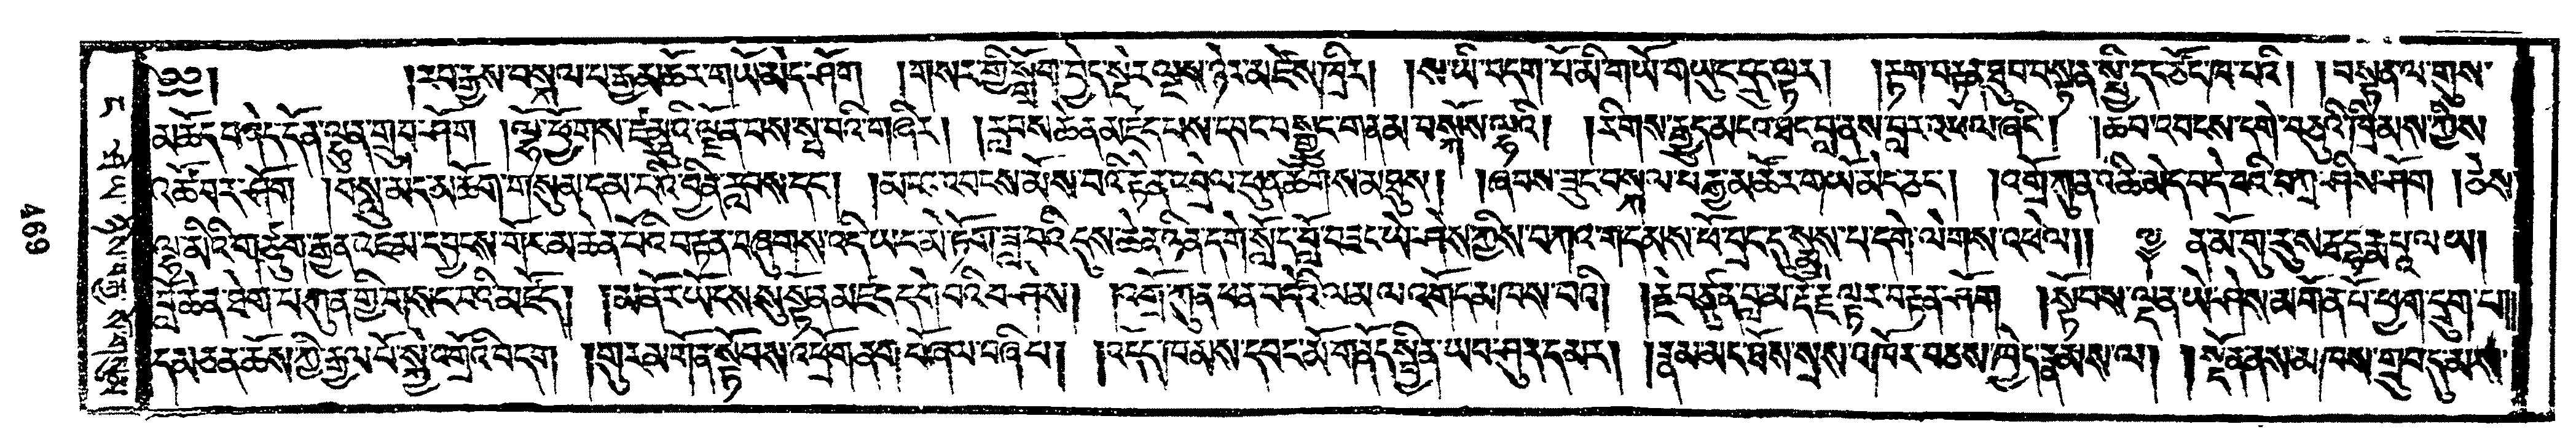༄༅། །རབ་རྒྱས་བསྐལ་པ་རྒྱ་མཆོར་གཡོ་མེད་ཤོག །གསར་གྱི་སྒྲོག་བྱེད་སྡེར་ལྔས་ཉེར་མཛེས་ཁྲིར། །ས་ཡི་བདག་པོ་མི་གཡོ་གཡུང་དྲུང་ལྟར། །རྟག་བརྟན་ཐུབ་བསྟན་སྤྱི་དང་ཙོང་ཁ་པའི། །བསྟན་ལ་གུས་
མཆོད་བཞེད་དོན་ལྷུན་གྲུབ་ཤོག །ལྷོ་ཕྱོགས་ཛྨྦུ་འི་ལྗོན་པས་སྤ་བའི་གཞིར། །རླབས་ཆེན་མཛད་པས་དབང་བསྒྱུང་གནམ་བསྐོས་ལྷའི། །རིགས་རྒྱུད་མངའ་ཐང་བླ་ནས་བླར་འཕེལ་ཞིང་། །ཆབ་འབངས་དགེ་བཅུའི་ཁྲིམས་ཀྱིས་
འཚོ་བར་ཤོག །བསླུ་མེད་མཆོག་གསུམ་དམ་པའི་བྱིན་རླབས་དང་། །མངའ་འབངས་མོས་བའི་རྟེན་འབྲེལ་ཕུན་ཚོགས་མཐུས། །ཞབས་ཟུང་བསྐལ་པ་རྒྱ་མཚོར་གཡོ་མེད་ཅང་། །འགྲོ་ཀུན་འཆི་མེད་བདེ་བའི་བཀྲ་ཤིས་ཤོག །ཅེས་
ལྷ་མིའི་གཙུག་རྒྱན་འཇམ་དབྱངས་གོང་མ་ཆེན་པོའི་བརྟན་བཞུགས་འདི་ཡང་མེ་ཏོག་ཟླ་བའི་དུས་ཆེན་ཉིན་དགེ་སློང་བློ་བཟང་ཡེ་ཤེས་ཀྱིས་བཀའ་གདམས་ཕོ་བྲང་དུ་སྨྲས་པ་དགེ་ལེགས་འཕེལ།། ༈ ན་མོ་གུ་རུ་སརྦ་དྷརྨ་པའ་ལ་ཡ།
བློ་ཆེན་ཐེག་པ་ཀུན་གྱི་གསང་བའི་མཛོད། །མ་ནོར་ཡོངས་སུ་སྟོན་མཛད་དགེ་བའི་བཤེས། །འགྲོ་ཀུན་ཕན་བདེའི་ལམ་ལ་འགོད་མཁས་པའི། །རྗེ་བཙུན་བླ་མ་རྡོ་རྗེ་ལྟར་བརྟན་ཤོག །སྟོབས་ལྡན་ཡེ་ཤེས་མགོན་པོ་ཕྱག་དྲུག་པ།།
དམ་ཅན་ཆོས་ཀྱི་རྒྱལ་པོ་སྐྱེ་འགྲོའི་བདག། །གུར་མགོན་སྟོབས་འཕྲོག་ནག་པོ་ཞལ་བཞི་པ། །འདོད་ཁམས་དབང་མོ་གནོད་སྦྱིན་ཡབ་ཤུར་དམར། །རྣམ་མང་ཐོས་སྲས་འཁོར་བཅས་ཁྱེད་རྣམས་ལ། །སྔོན་ནས་མཁས་གྲུབ་དུ་མས་